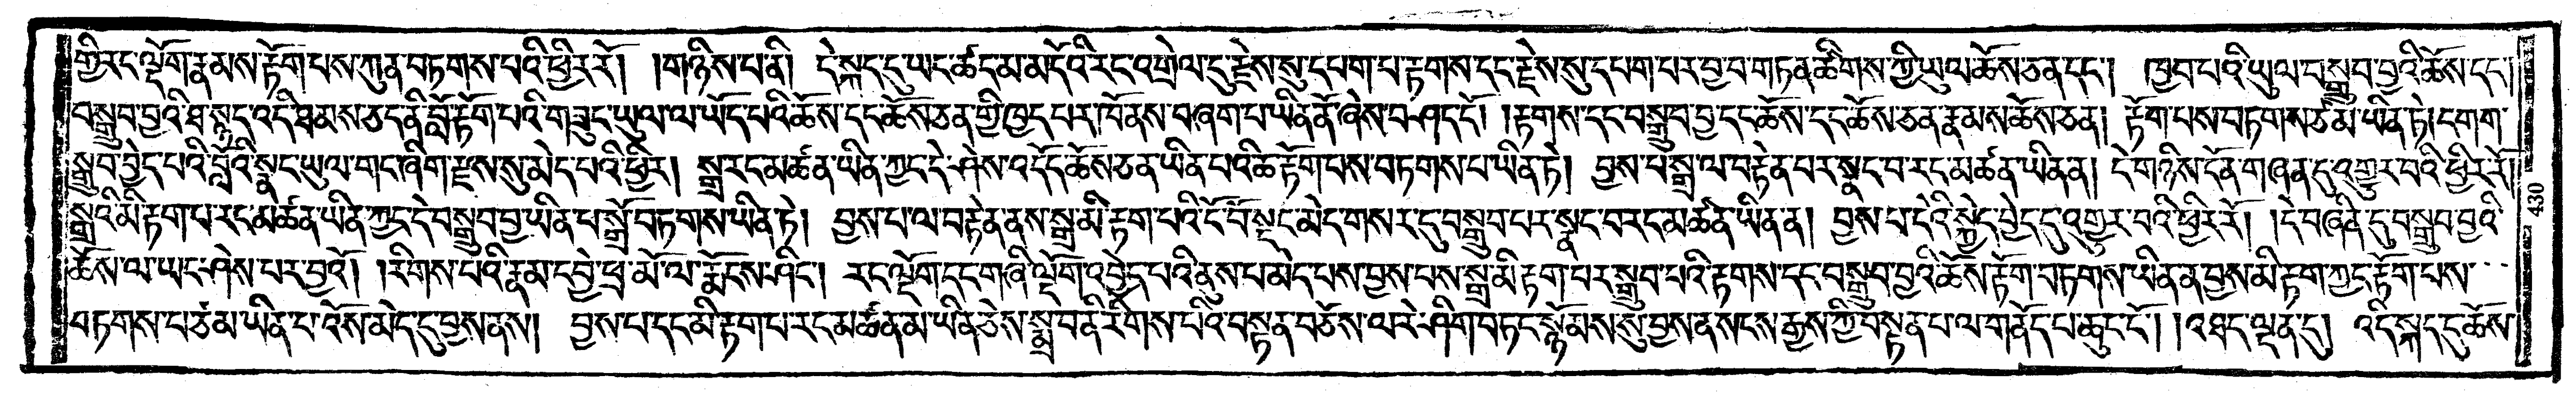གྱི་རང་ལྡོག་རྣམས་རྟོག་པས་ཀུན་བཏགས་པའི་ཕྱིར་རོ། །གཉིས་པ་ནི། དེ་སྐད་དུ་ཡང་ཚད་མ་མདོའི་རང་འགྲེལ་དུ་རྗེས་སུ་དཔག་པ་རྟགས་དང་རྗེས་སུ་དཔག་པར་བྱ་བ་གཏན་ཚིགས་ཀྱི་ཡུལ་ཆོས་ཅན་དང་། ཁྱབ་པའི་ཡུལ་བསྒྲུབ་བྱའི་ཆོས་དང་།
བསྒྲུབ་བྱའི་ཐ་སྙད་འདི་ཐམས་ཅད་ནི་བློ་རྟོག་པའི་གཟུང་ཡུལ་ལ་ཡོད་པའི་ཆོས་དང་ཆོས་ཅན་གྱི་ཁྱད་པར་ཁོ་ནས་བཞག་པ་ཡིན་ནོ་ཞེས་བཤད་དོ། །རྟགས་དང་བསྒྲུབ་བྱ་དང་ཆོས་དང་ཆོས་ཅན་རྣམས་ཆོས་ཅན། རྟོག་པས་བཏགས་ཙམ་ཡིན་ཏེ། དགག་
སྒྲུབ་བྱེད་པའི་བློའི་སྣང་ཡུལ་གང་ཞིག་རྫས་སུ་མེད་པའི་ཕྱིར། སྒྲ་རང་མཚན་ཡིན་ཀྱང་དེ་ཤེས་འདོད་ཆོས་ཅན་ཡིན་པའི་ཆ་རྟོག་པས་བཏགས་པ་ཡིན་ཏེ། བྱས་པ་སྒྲ་ལ་བརྟེན་པར་སྣང་བ་རང་མཚན་ཡིན་ན། དེ་གཉིས་དོན་གཞན་དུ་འགྱུར་བའི་ཕྱིར་རོ།
སྒྲའི་མི་རྟག་པ་རང་མཚན་ཡིན་ཀྱང་དེ་བསྒྲུབ་བྱ་ཡིན་པ་སྒྲོ་བཏགས་ཡིན་ཏེ། བྱས་པ་ལ་བརྟེན་ནས་སྒྲ་མི་རྟག་པའི་ངོ་བོ་སྡང་མེད་གསར་དུ་བསྒྲུབ་པར་སྣང་བ་རང་མཚན་ཡིན་ན། བྱས་པ་དེའི་སྐྱེད་བྱེད་དུ་འགྱུར་བའི་ཕྱིར་རོ། །དེ་བཞིན་དུ་བསྒྲུབ་བྱའི་
ཆོས་ལ་ཡང་ཤེས་པར་བྱའོ། །རིགས་པའི་རྣམ་དབྱེ་ཕྲ་མོ་ལ་རྨོངས་ཤིང་། རང་ལྡོག་དང་གཞི་ལྡོག་འབྱེད་པའི་ནུས་པ་མེད་པས་བྱས་པས་སྒྲ་མི་རྟག་པར་སྒྲུབ་པའི་རྟགས་དང་བསྒྲུབ་བྱའི་ཆོས་རྟོག་བཏགས་ཡིན་ན་བྱས་མི་རྟག་ཀྱང་རྟོག་པས་
བཏགས་པ་ཙམ་ཡིན་པ་འོས་མེད་དུ་བྱས་ནས། བྱས་པ་དང་མི་རྟག་པ་རང་མཚན་མ་ཡིན་ཅེས་སྨྲ་བ་ནི་རིགས་པའི་བསྟན་བཅོས་ལ་རེ་ཤིག་བཏང་སྙོམས་སུ་བྱས་ན་སངས་རྒྱས་ཀྱི་བསྟན་པ་ལ་གནོད་པ་ཆུང་ངོ། །འཐད་ལྡན་དུ། འདི་སྐད་དུ་ཆོས་